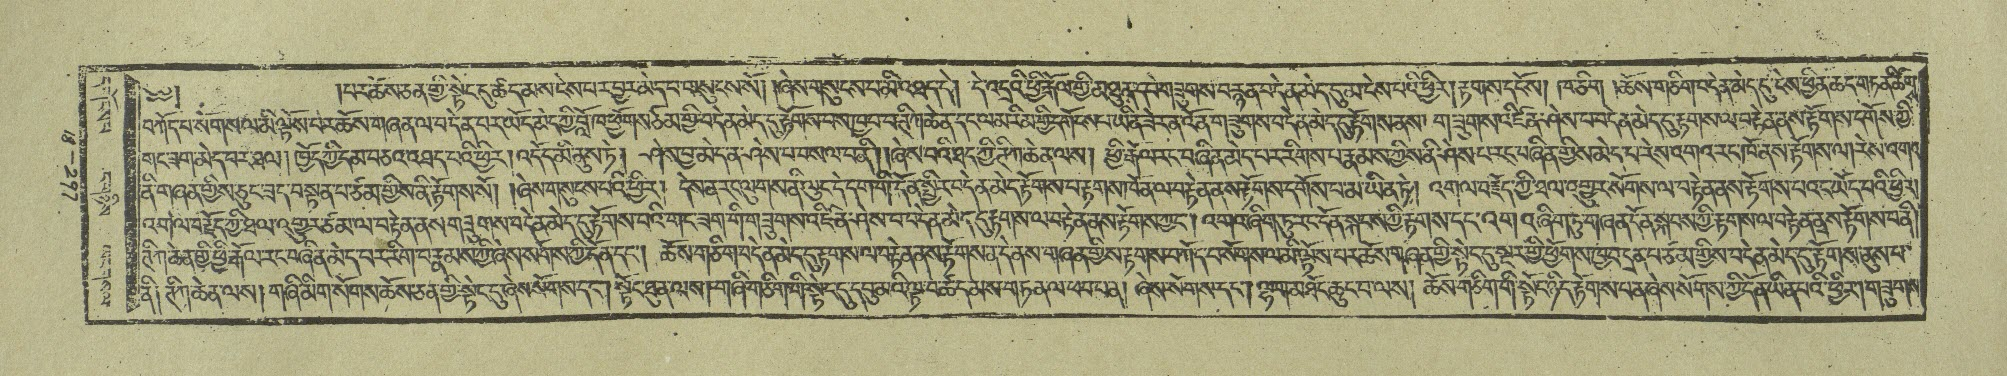༄༅། །པར་ཆོས་ཅན་གྱི་སྟེང་དུ་ཚད་མས་ངེས་པར་བྱར་མེད་པ་གསུངས་སོ། །ཞེས་གསུངས་པ་མི་འཐད་དེ། དེ་འདྲའི་ཕྱི་རྒོལ་གྱི་མཐུན་དཔེ་གཟུགས་བརྙན་བདེན་མེད་དུ་མ་ངེས་པའི་ཕྱིར། རྟགས་དངོས། ཁ་ཅིག །ཆོས་གཅིག་བདེན་མེད་དུ་ངེས་ཕྱིན་ཆད་གཏན་ཚིགས་
བཀོད་པ་སོགས་ལ་མི་ལྟོས་བར་ཆོས་གཞན་ལ་བདེན་པར་ཡོད་མེད་ཀྱི་བློ་ཁ་ཕྱོགས་ཙམ་གྱི་བདེན་མེད་དུ་རྟོགས་པས་ཁྱབ་པ་ཊིཀ་ཆེན་དང་ལམ་རིམ་གྱི་དགོངས་པ་ཡིན་ཟེར་ན་འོ་ན་གཟུགས་བདེན་མེད་དུ་རྟོགས་ནས། གཟུགས་འཛིན་ཤེས་པ་བདེན་མེད་དུ་རྟགས་ལ་བརྟེན་ནས་རྟོགས་དགོས་ཀྱི་
གང་ཟག་མེད་པར་ཐལ། ཁྱོད་ཀྱི་དམ་བཅའ་འཐད་པའི་ཕྱིར། འདོད་མི་ནུས་ཏེ། ཤེས་བྱ་མེད་ན་ཤེས་པ་བསལ་བ་ནི། །ཞེས་པའི་ཐད་ཀྱི་ཊིཀ་ཆེན་ལས། ཕྱི་རྒོལ་རང་བཞིན་མེད་པར་རིགས་པ་རྣམས་ཀྱིས་ནི་ཤེས་པ་རང་བཞིན་གྱིས་མེད་པར་རེས་འགའ་རང་ཁོ་ནས་རྟོགས་ལ། རེས་འགའ་
ནི་གཞན་གྱིས་ཅུང་ཟད་བསྟན་པ་ཙམ་གྱིས་ནི་རྟོགས་སོ། །ཞེས་གསུངས་པའི་ཕྱིར། དེས་ན་རང་ལུགས་ནི་ལུང་དེ་དག་གི་དོན་སྤྱིར་བདེན་མེད་རྟོགས་པ་རྟགས་ཁོ་ན་ལ་བརྟེན་ནས་རྟོགས་དགོས་པ་མ་ཡིན་ཏེ། འགལ་བརྗོད་ཀྱི་ཐལ་འགྱུར་སོགས་ལ་བརྟེན་ནས་རྟོགས་པའང་ཡོད་པའི་ཕྱིར།
འགལ་བརྗོད་ཀྱི་ཐལ་འགྱུར་ཙམ་ལ་བརྟེན་ནས་གཟུགས་བདེན་མེད་དུ་རྟོགས་པའི་གང་ཟག་གི་གཟུགས་འཛིན་ཤེས་པ་བདེན་མེད་དུ་རྟགས་ལ་བརྟེན་ནས་རྟོགས་ཀྱང་། འགའ་ཞིག་ཏུ་རང་དོན་སྐབས་ཀྱི་རྟགས་དང་འགའ་ཞིག་ཏུ་གཞན་དོན་སྐབས་ཀྱི་རྟགས་ལ་བརྟེན་ནས་རྟོགས་པ་ནི།
ཊིཀ་ཆེན་གྱི་ཕྱི་རྒོལ་རང་བཞིན་མེད་པར་རིག་པ་རྣམས་ཀྱི་ཞེས་སོགས་ཀྱི་དོན་དང་། ཆོས་གཅིག་བདེན་མེད་དུ་རྟགས་ལ་བརྟེན་ནས་རྟོགས་ན་དེ་ནས་གཞན་གྱིས་རྟགས་བཀོད་པ་སོགས་ལ་མི་ལྟོས་པར་ཆོས་གཞན་གྱི་སྟེང་དུ་སྔར་གྱི་ཕྱོགས་ཁྱབ་དྲན་པ་ཙམ་གྱིས་བདེན་མེད་དུ་རྟོགས་ནུས་པ་
ནི། ཊིཀ་ཆེན་ལས། གཞི་མིག་སོགས་ཆོས་ཅན་གྱི་སྟེང་དུ་ཞེས་སོགས་དང་། སྟོང་ཐུན་ལས། གཞི་གཅིག་གི་སྟེང་དུ་དབུ་མའི་ལྟ་བ་ཚད་མས་གཏན་ལ་ཕབ་པ་ན། ཞེས་སོགས་དང་། ལྷག་མཐོང་ཆུང་བ་ལས། ཆོས་གཅིག་གི་སྟོང་ཉིད་རྟོགས་པ་ན་ཞེས་སོགས་ཀྱི་དོན་ཡིན་པའི་ཕྱིར། གཟུགས་